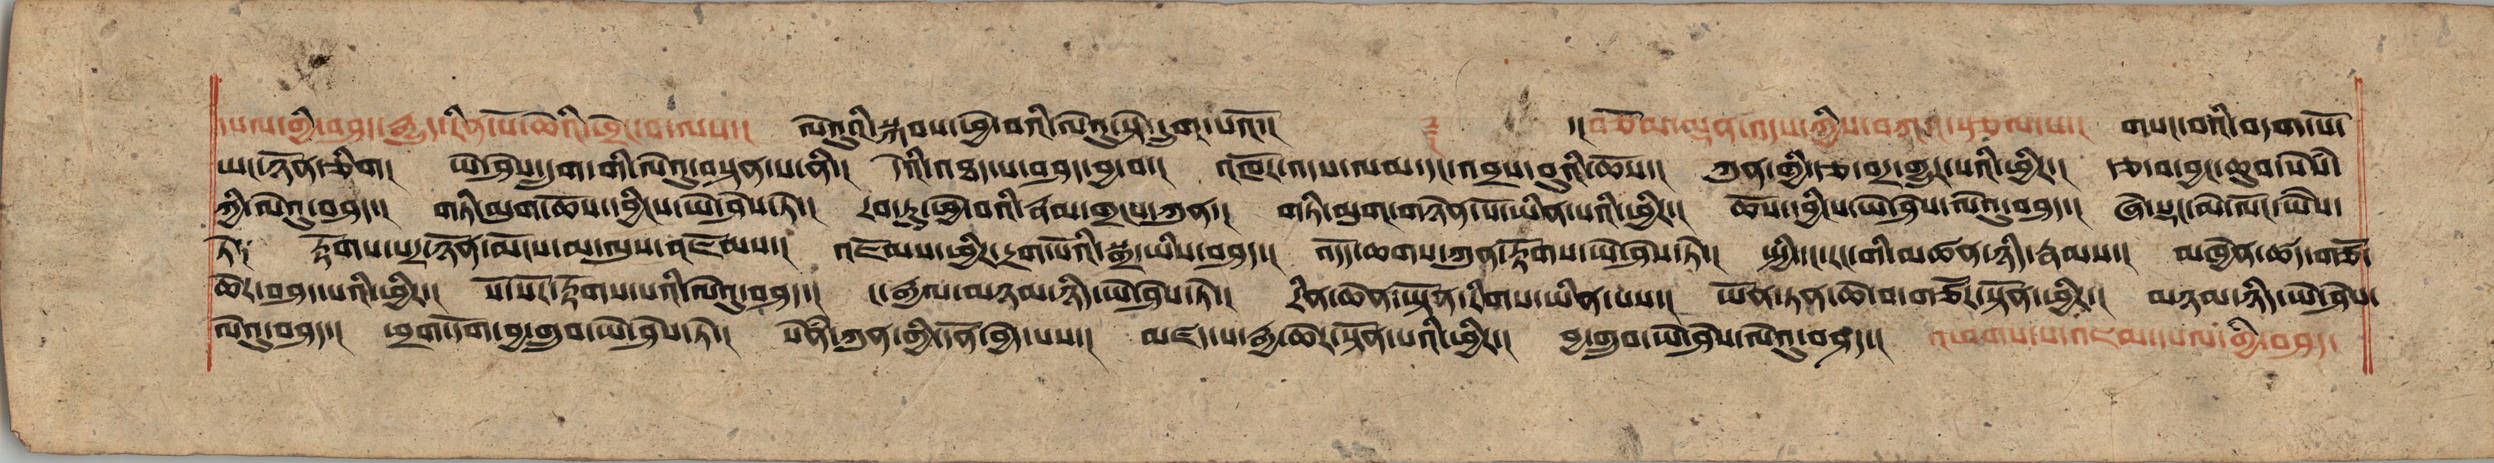དཔལ་གྱི་བཤད་རྒྱུད་རིན་པོ་ཆེའི་ཕྲེང་བ་ལས་། ལེའུའི་སྐབས་ཕྱེ་བའི་ལེའུ་སྟེ་དྲུག་པའོ་། ༈ ་།བཅོམ་ལྡན་འདས་ཀྱིས་བཀའ་སྩལ་པ་། གསང་བའི་བདག་པོ་
ཡང་ཉོན་ཅིག། ཡེ་ཤེས་དྲུག་གི་ལེའུ་བསྟན་པ་ནི་། དེའི་འཐད་པ་བཤད་བྱ་བ་། འཁོར་འདས་ལམ་དང་འབྲས་བུའི་ཆོས་། ཀུན་གྱི་རྩ་བར་གྱུར་པའི་ཕྱིར་། རྩ་བ་བྱང་ཆུབ་སེཾས་
ཀྱི་ལེའུ་བཤད་། གཏི་མུག་ཆོས་དབྱིངས་ཡེ་ཤེས་ཏེ་། རབ་ཏུ་ཕྱེ་བའི་རྣམ་གྲངས་ཀུན་། གཏི་མུག་གཉེན་པོ་ཡིན་པའི་ཕྱིར་། ཆོས་དབྱིངས་ཡེ་ཤེས་ལེའུ་བཤད་། ཞེ་སྡང་མེ་ལོང་ཡཻས་
ཏེ༑ རྟོགས་པར་ཉོན་མོངས་མ་ལུས་འཇོམས་། འཇོམས་ཕྱིར་དྲག་པོའི་སྒྲ་ཡིས་བཤད་། འདོད་ཆགས་ཀུན་རྟོགས་ཡེ་ཤེས་ཏེ་། སྤྱི་དང་རང་གི་མཚན་ཉིད་རྣམས་། མཁྱེན་ཚད་གཙོ་
ཆེར་བཤད་པའི་ཕྱིར་། སོ་སོར་རྟོགས་པའི་ལེའུ་བཤད་། ང་རྒྱལ་མཉམ་ཉིད་ཡེ་ཤེས་ཏེ་། རིན་ཆེན་ཡྟོན་རིགས་ཡིན་པས་། ཡོན་ཏན་ཆེ་བ་གཙོར་སྟོན་ཕྱིར་། མཉམ་ཉིད་ཡེ་ཤེས་
ལེའུ་བཤད་། ཕྲག་དོག་བྱ་གྲུབ་ཡེ་ཤེས་ཏེ་། སེཾན་ཀུན་གྱི་དོན་བྱེད་པས་། མཛད་པ་རྒྱ་ཆེར་སྟོན་པའི་ཕྱིར་། བྱ་གྲུབ་ཡེ་ཤེས་ལེའུ་བཤད་། འཕགས་པ་འཇམ་དཔལ་གྱི་བཤད་